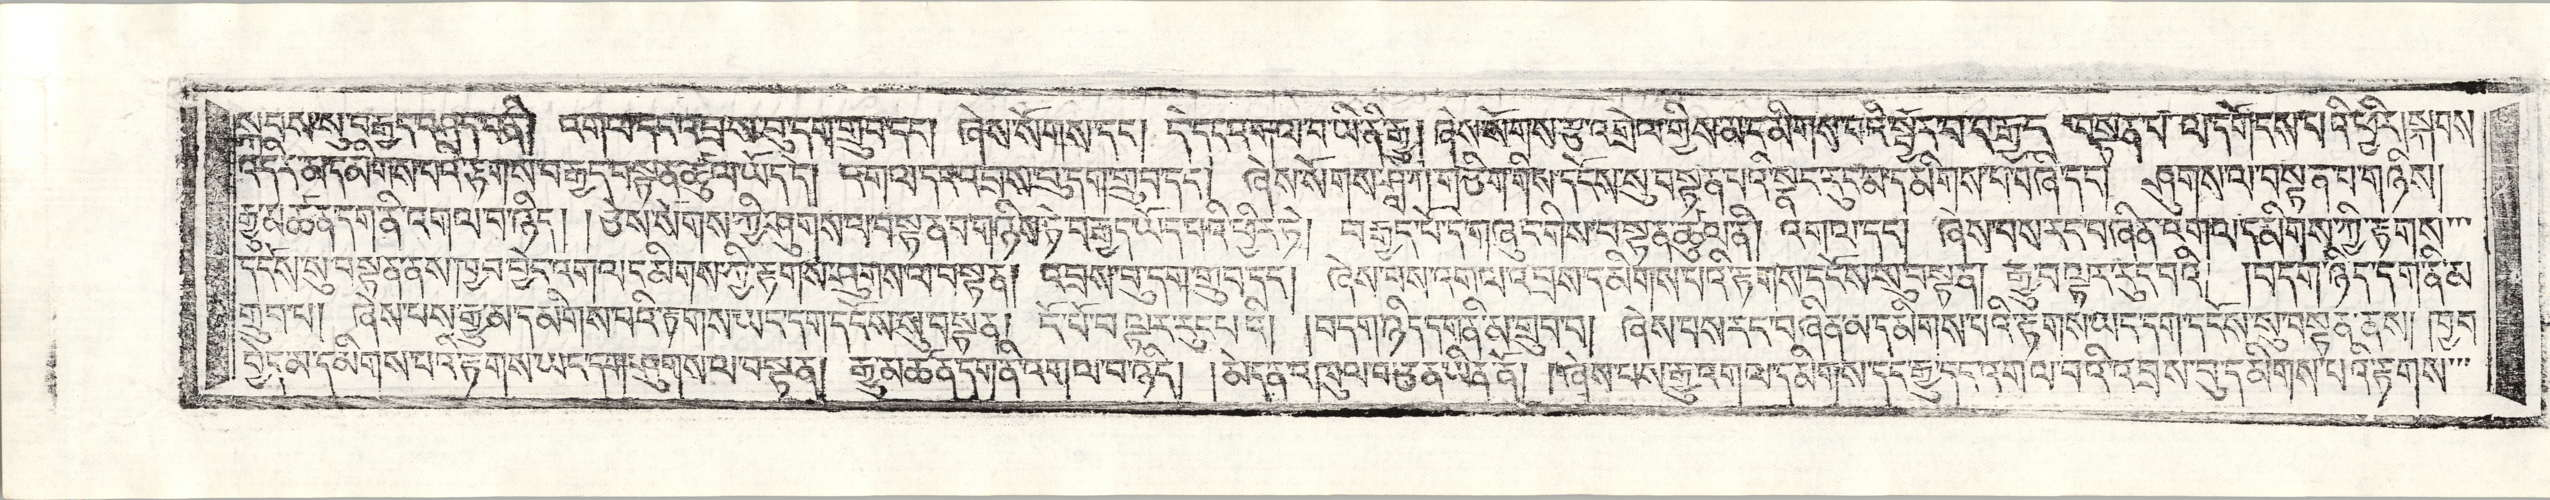སྐབས་སུ་བརྒྱད་བཤད་པ་ནི། འགལ་དང་འབྲས་བུ་དག་གྲུབ་དང་། ཞེས་སོགས་དང་། དེ་དང་འགལ་བ་ཡི་ནི་རྒྱུ། ཞེས་སོགས་རྩ་འགྲེལ་གྱིས་མ་དམིགས་པའི་སྦྱོར་བ་བརྒྱད་བསྟན་པ་ལ་དགོངས་པའི་ཕྱིར། སྐབས་
འདིར་མ་དམིགས་པའི་རྟགས་བརྒྱད་བསྟན་ཚུལ་ཡོད་དེ། འགལ་དང་འབྲས་བུ་དག་གྲུབ་དང་། ཞེས་སོགས་ཤོ་ལོ་ཀ་གཅིག་གིས་དངོས་སུ་བསྟན་པའི་སྣང་རུང་མ་དམིགས་པ་བཞི་དང་། ཤུགས་ལ་བསྟན་པ་གཉིས།
རྒྱུ་མཚན་དག་ནི་འགལ་བ་ཉིད། །ཅེས་སོགས་ཀྱི་ཤུགས་ལ་བསྟན་པ་གཉིས་ཏེ་བརྒྱད་ཡོད་པའི་ཕྱིར་ཏེ། བརྒྱད་པོ་དེ་གཞུང་གིས་བསྟན་ཚུལ་ནི། འགལ་དང་། ཞེས་པས་རང་བཞིན་འགལ་དམིགས་ཀྱི་རྟགས་
དངོས་སུ་བསྟན་ནས་ཁྱབ་བྱེད་འགལ་དམིགས་ཀྱི་རྟགས་ཤུགས་ལ་བསྟན། འབྲས་བུ་དག་གྲུབ་དང་། ཞེས་པས་འགལ་འབྲས་དམིགས་པའི་རྟགས་དངོས་སུ་བསྟན། རྒྱུ་བལྟར་རུང་བའི། །བདག་ཉིད་དག་ནི་མ་
གྲུབ་པ། ཞེས་པས་རྒྱུ་མ་དམིགས་པའི་རྟགས་ཡང་དག་དངོས་སུ་བསྟན། ངོ་བོ་བལྟར་རུང་བའི། །བདག་ཉིད་དག་ནི་མ་གྲུབ་པ། ཞེས་པས་རང་བཞིན་མ་དམིགས་པའི་རྟགས་ཡང་དག་དངོས་སུ་བསྟན་ནས། ཁྱབ་
བྱེད་མ་དམིགས་པའི་རྟགས་ཡང་དག་ཤུགས་ལ་བསྟན། རྒྱུ་མཚན་དག་ནི་འགལ་བ་ཉིད། །མེད་ན་འཁྲུལ་བ་ཅན་ཡིན་ནོ། །ཞེས་པས་རྒྱུ་འགལ་དམིགས་དང་རྒྱུ་དང་འགལ་བའི་འབྲས་བུ་དམིགས་པའི་རྟགས་